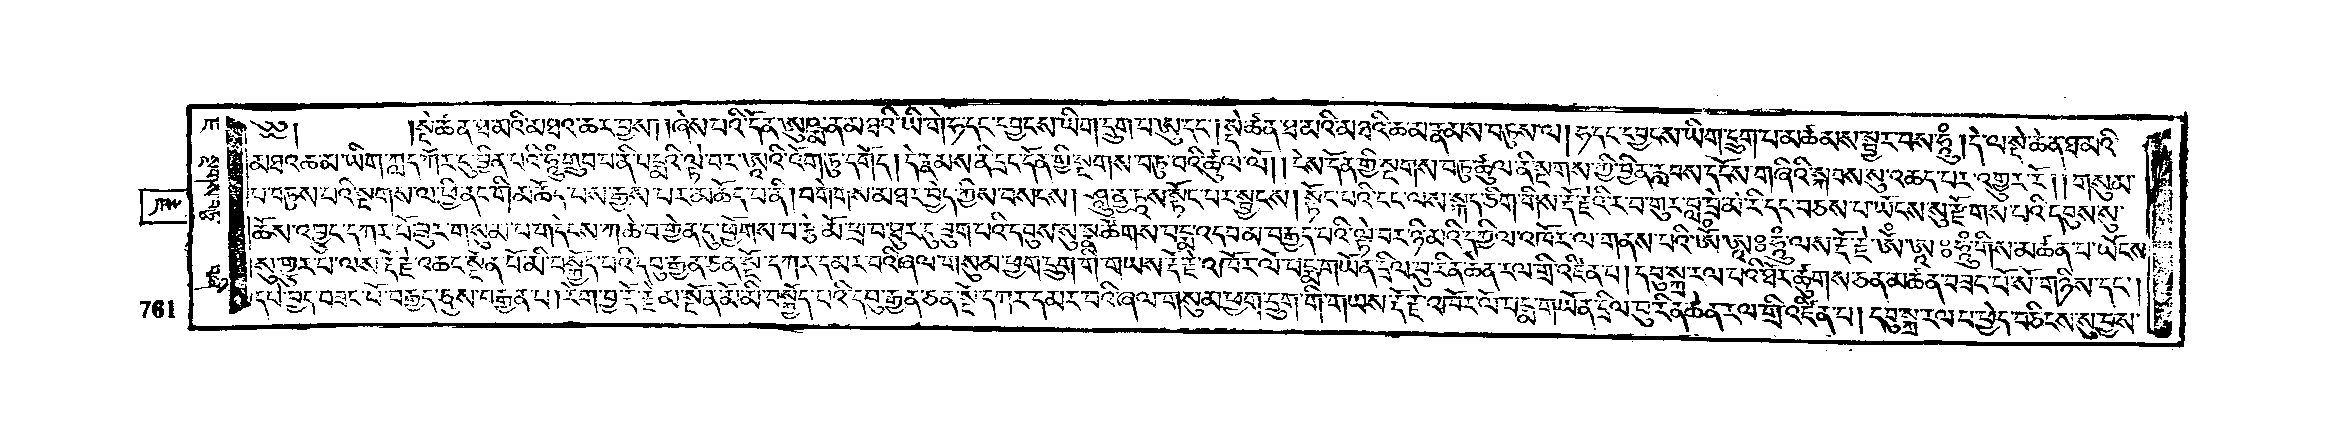༄༅། །སྡེ་ཚན་ཐ་མའི་མཐའ་ཆར་བྱས། །ཞེས་པའི་དོན་ཨུཥྨ་ན་མཐའི་ཡི་གེ་ཧ་དང་དབྱངས་ཡིག་དྲུག་པ་ཨུ་དང་། སྡེ་ཚན་ཐ་མའི་མཐའི་ཆ་མ་རྣམས་བཏུས་ལ། ཧ་དང་དབྱངས་ཡིག་དྲུག་པ་མཚམས་སྦྱར་བས་ཧཱུཾ། དེ་ལ་སྡེ་ཚན་ཐ་མའི་
མཐའ་ཆ་མ་ཡིག་ཀླད་ཀོར་དུ་བྱིན་པའི་ཧཱུཾ་གྲུབ་པ་ནི་པདམའི་ལྟེ་བར་ཨཱའི་འོག་ཏུ་དགོད། དེ་རྣམས་ནི་དྲང་དོན་གྱི་སྔགས་བཏུ་བའི་ཚུལ་ལོ། །ངེས་དོན་གྱི་སྔགས་བཏུ་ཚུལ་ནི་སྔགས་ཀྱི་བྱིན་རླབས་དངོས་གཞིའི་སྐབས་སུ་འཆད་པར་འགྱུར་རོ། །གསུམ་
པ་བཏུས་པའི་སྔགས་ལ་ཕྱི་ནང་གི་མཆོད་པས་རྒྱས་པར་མཆོད་པ་ནི། བགེགས་མཐར་བྱེད་ཀྱིས་བསངས། ཤཱུ་ནྱ་ཏཱས་སྟོང་པར་སྦྱངས། སྟོང་པའི་ངང་ལས་སྐད་ཅིག་གིས་རྡོ་རྗེའི་ར་བ་གུར་བླ་བྲེ་མེ་རི་དང་བཅས་པ་ཡོངས་སུ་རྫོགས་པའི་དབུས་སུ་
ཆོས་འབྱུང་དཀར་པོ་ཟུར་གསུམ་པ་གདེངས་ཀ་ཆེ་བ་གྱེན་དུ་ཕྱོགས་པ་རྩེ་མོ་ཕྲ་བ་ཐུར་དུ་ཟུག་པའི་དབུས་སུ་སྣ་ཚོགས་པདམ་འདབ་མ་བརྒྱད་པའི་ལྟེ་བར་ཉི་མའི་དཀྱིལ་འཁོར་ལ་གནས་པའི་ཨོཾ་ཨཱཿ ཧཱུཾ་ལས་རྡོ་རྗེ་ཨོཾ་ཨཱཿ ཧཱུཾ་གིས་མཚན་པ་ཡོངས་
སུ་གྱུར་པ་ལས་རྡོ་རྗེ་འཆང་སྔོན་པོ་མི་བསྐྱོད་པའི་དབུ་རྒྱན་ཅན་སྔོ་དཀར་དམར་བའི་ཞལ་གསུམ་ཕྱག་དྲུག་གི་གཡས་རྡོ་རྗེ་འཁོར་ལོ་པདམ་གཡོན་དྲིལ་བུ་རིན་ཆེན་རལ་གྲི་འཛིན་པ། དབུ་སྐྲ་རལ་པའི་ཐོར་ཚུགས་ཅན་མཚན་བཟང་པོ་སོ་གཉིས་དང་།
དཔེ་བྱད་བཟང་པོ་བརྒྱད་ཅུས་བརྒྱན་པ། རེག་བྱ་རྡོ་རྗེ་མ་སྔོན་མོ་མི་བསྐྱོད་པའི་དབུ་རྒྱན་ཅན་སྔོ་དཀར་དམར་བའི་ཞལ་གསུམ་ཕྱག་དྲུག་གི་གཡས་རྡོ་རྗེ་འཁོར་ལོ་པདམ་གཡོན་དྲིལ་བུ་རིན་ཆེན་རལ་གྲི་འཛིན་པ། དབུ་སྐྲ་རལ་པ་ཕྱེད་བཅིངས་སུ་བྱས་